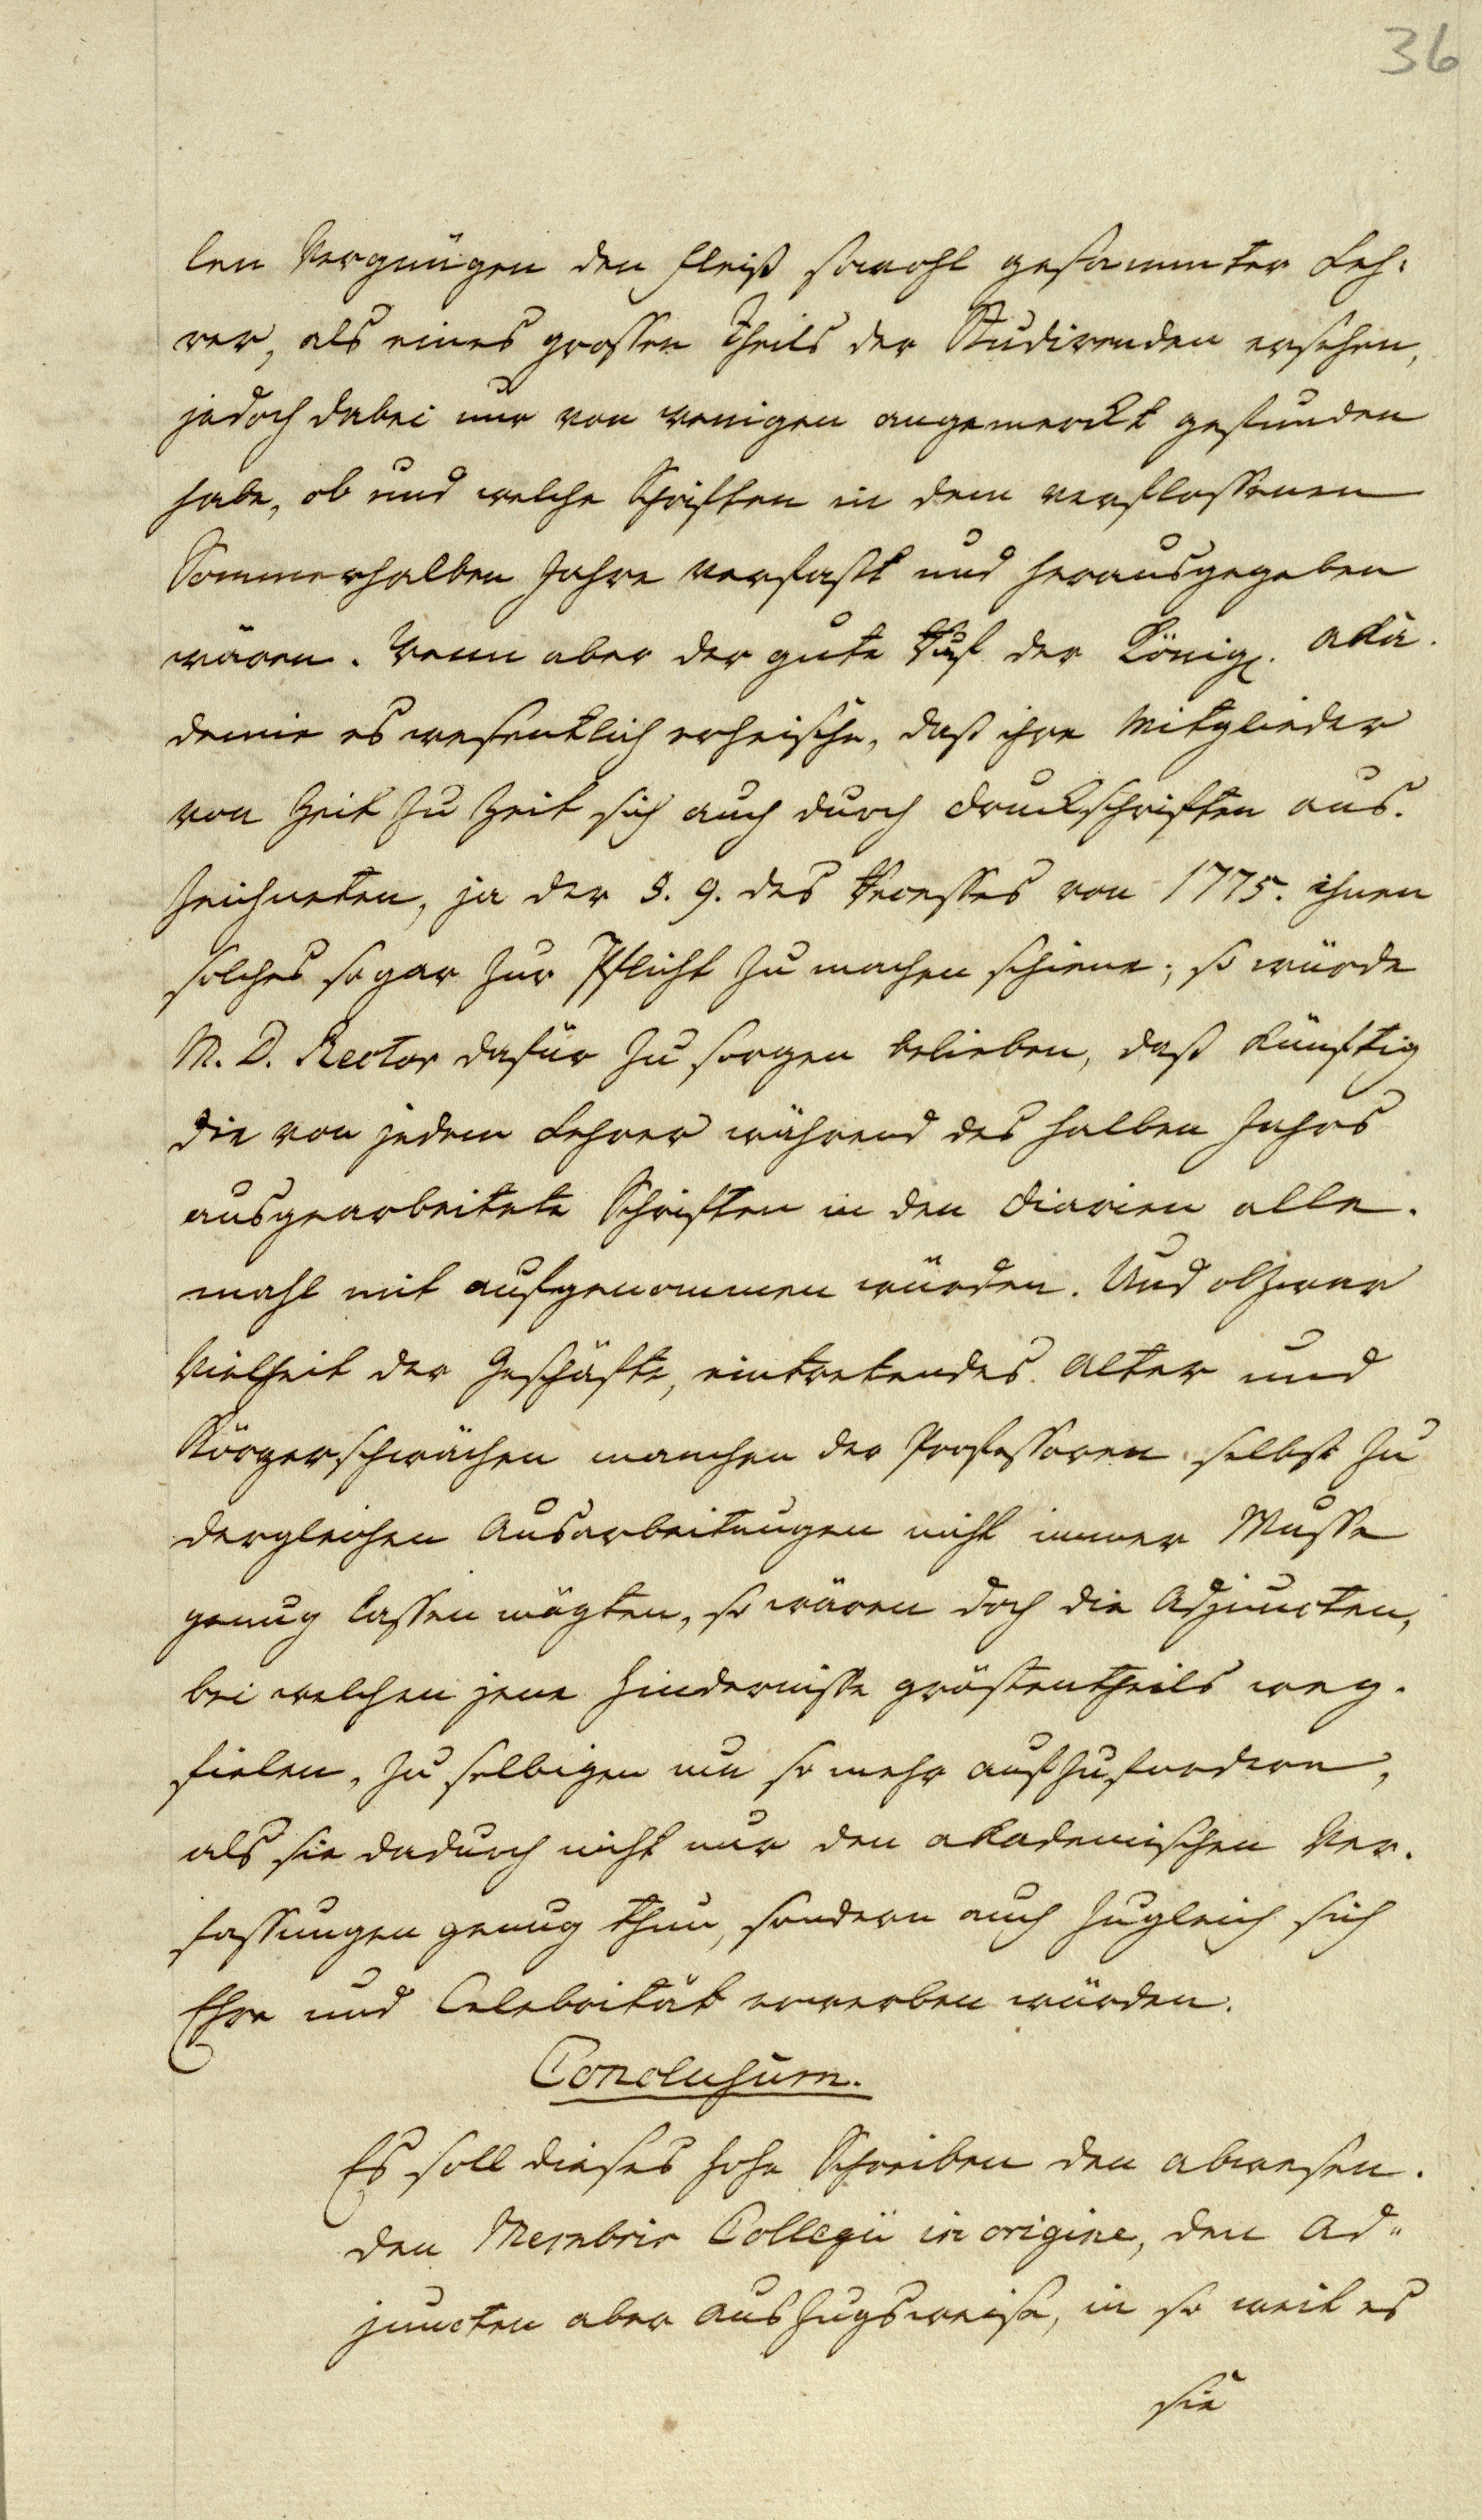len Vergnügen den Fleiß sowohl gesammter Leh¬
rer, als eines grossen Theils der Studirenden ersehen,
jedoch dabei nur von einigen angemerckt gefunden
habe, ob und welche Schriften in dem verflossenen
Sommerhalben Jahre verfaßt und herausgegeben
wären. Wenn aber der gute Ruf der Königl. Aka¬
demie es wesentlich erheische, daß ihre Mitglieder
von Zeit zu Zeit sich auch durch Druckschriften aus¬
zeichneten, ja der §. 9. des Recesses von 1775. ihnen
solches so gar zur Pflicht zu machen schiene, so würde
M. D. Rector dafür zu sorgen belieben, daß künftig
die von jedem Lehrer während des halben Jahres
ausgearbeitete Schriften in den Diarien alle¬
mahl mit aufgenommen würden. Und obzwar
Vielheit der Geschäfte, eintretendes Alter und
Körperschwächen manchen der Professoren selbst zu
dergleichen Ausarbeitungen nicht immer Musse
genug lassen mögten, so wären doch die Adjuncten,
bei welchen jene Hindernisse gröstentheils weg¬
fielen, zu selbigen um so mehr aufzufordern,
als sie dadurch nicht nur den akademischen Ver¬
fassungen genug thun, sondern auch zugleich sich
Ehre und Celebrität erwerben würden.
Conclusum
Es soll dieses hohe Schreiben den abwesen¬
den Membris Collegii in origine, den Ad¬
juncten aber auszugsweise, in so weit es
sie